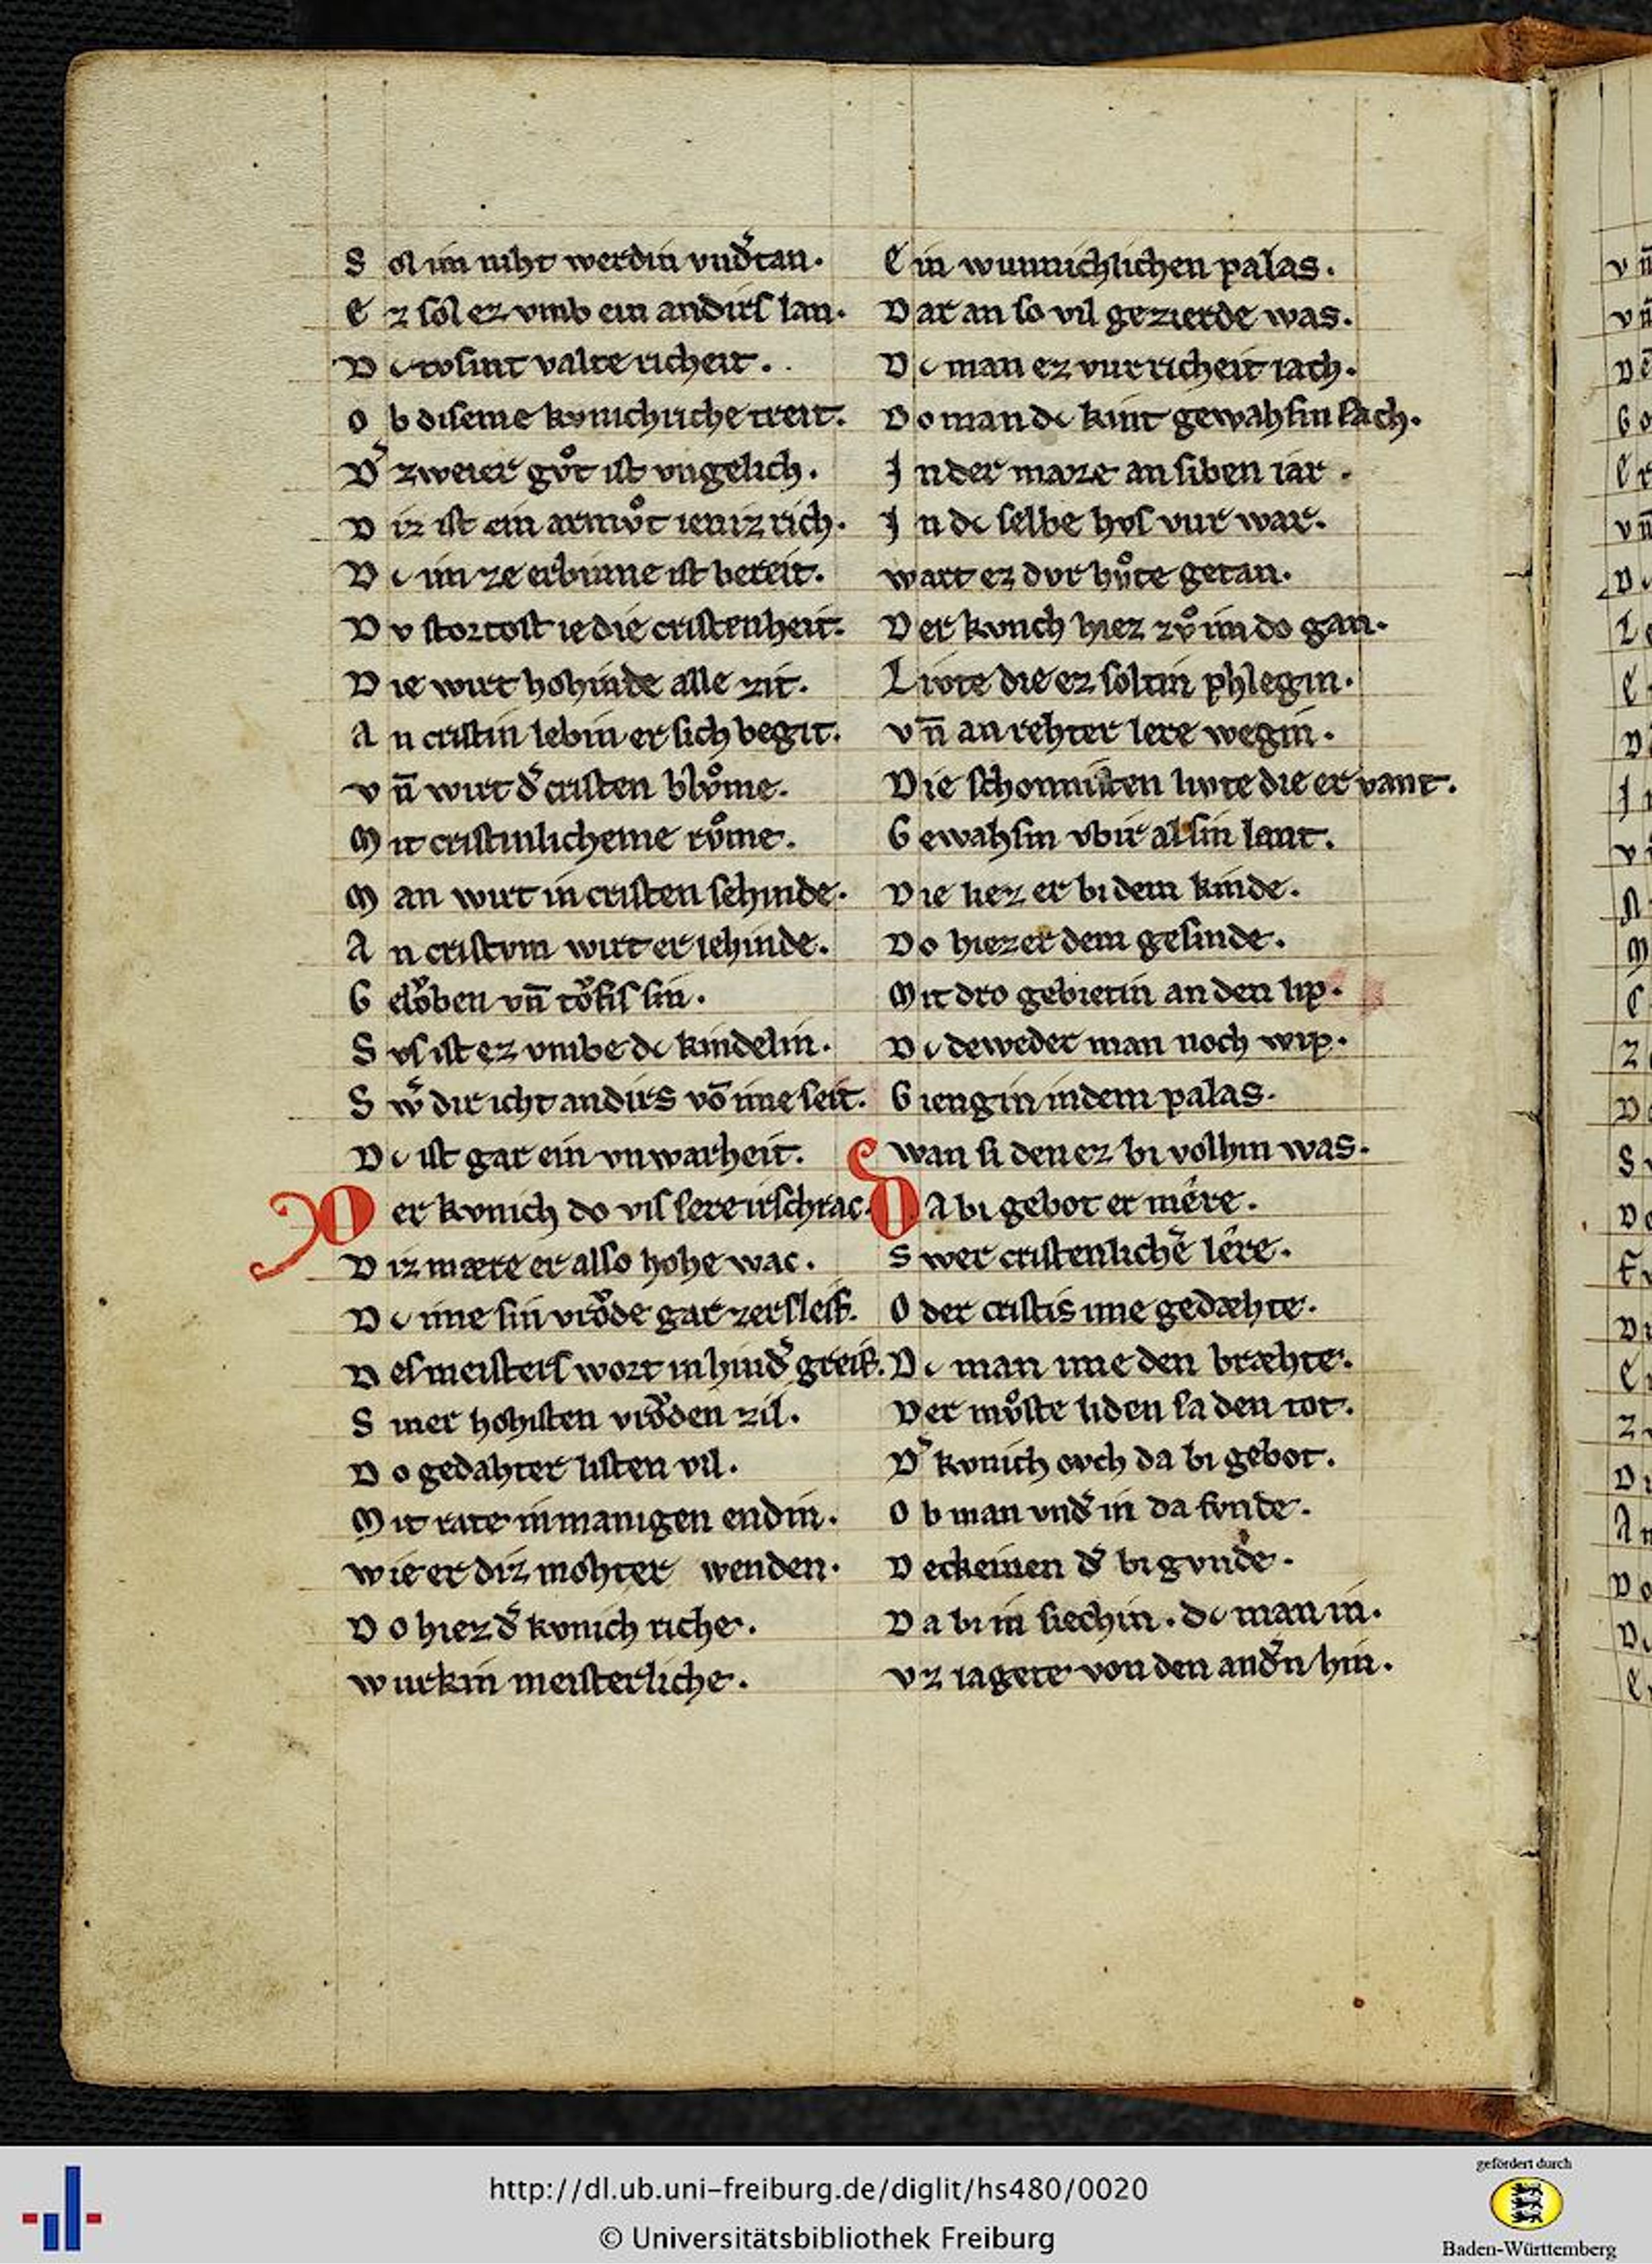Sol im niht werdin vnd(er)tan.
Ez ſol ez vmb ein andirſ lan.
D(az) tvſint valte richeit.
Ob diſeme kvnichriche treit.
D(er) zweier gv°ot iſt vngelich.
Diz iſt ein armv°ot ieniz rich.
D(az) im ze erbinne iſt bereit.
Dv ſtortoſt ie die criſtenheit.
Die wirt hohinde alle zit.
An criſtin lebin er ſich begit.
Vn(d) wirt d(er) criſten blv°ome.
Mit criſtinlicheme rv°ome.
Man wirt in criſten ſehinde.
An criſtvm wirt er iehinde.
Gelo°vben vn(d) to°vfiſ ſin.
Svſ iſt ez vmbe d(az) kindelin.
Sw(er) dir icht andirs vo(n) ime ſeit.
D(az) iſt gar ein vnwarheit.
*Der kvnich do vil ſere irſchrac.
Diz m[ae]re er alſo hohe wac.
D(az) ime ſin vro°vde gar zerſleif.
Deſ meiſterſ wort in hind(er) greif.
Siner hohiſten vro°vden zil.
Do gedahter liſten vil.
Mit rate in manigen endin.
Wie er diz mohter wenden.
Do hiez d(er) kvnich riche.
wurkin meiſterliche.
Ein wunnichlichen palas.
Dar an ſo vil gezierde was.
D(az) man ez vur richeit iach.
Do man d(az) kint gewahſin ſach.
In der maze an ſiben iar.
In d(az) ſelbe huſ vur war.
Wart ez dvr hv°ote getan.
Der kvnch hiez zv°o im do gan.
Livte die ez ſoltin phlegin.
Vn(d) an rehter lere wegin.
Die ſchonniſten livte die er vant.
Gewahſin vbir al ſin lant.
Die liez er bi dem kinde.
Do hiez er dem geſinde.
Mit dro gebietin an den lip.
D(az) deweder man noch wip.
Giengin indem palas.
Wan ſi den ez bi volhin was.
*Da bi gebot er mere.
Swer criſtenliche(er) lere.
Oder criſtis ime ged[ae]hte.
D(az) man ime den br[ae]hte.
Der mv°oſte liden ſa den tot.
D(er) kvnich ovch da bi gebot.
Ob man und(er) in da fvnde.
Deckeinen d(er) bigvnde.
Da bi in ſiechin. d(az) man in.
Vz iagete von den and(er)n hin.